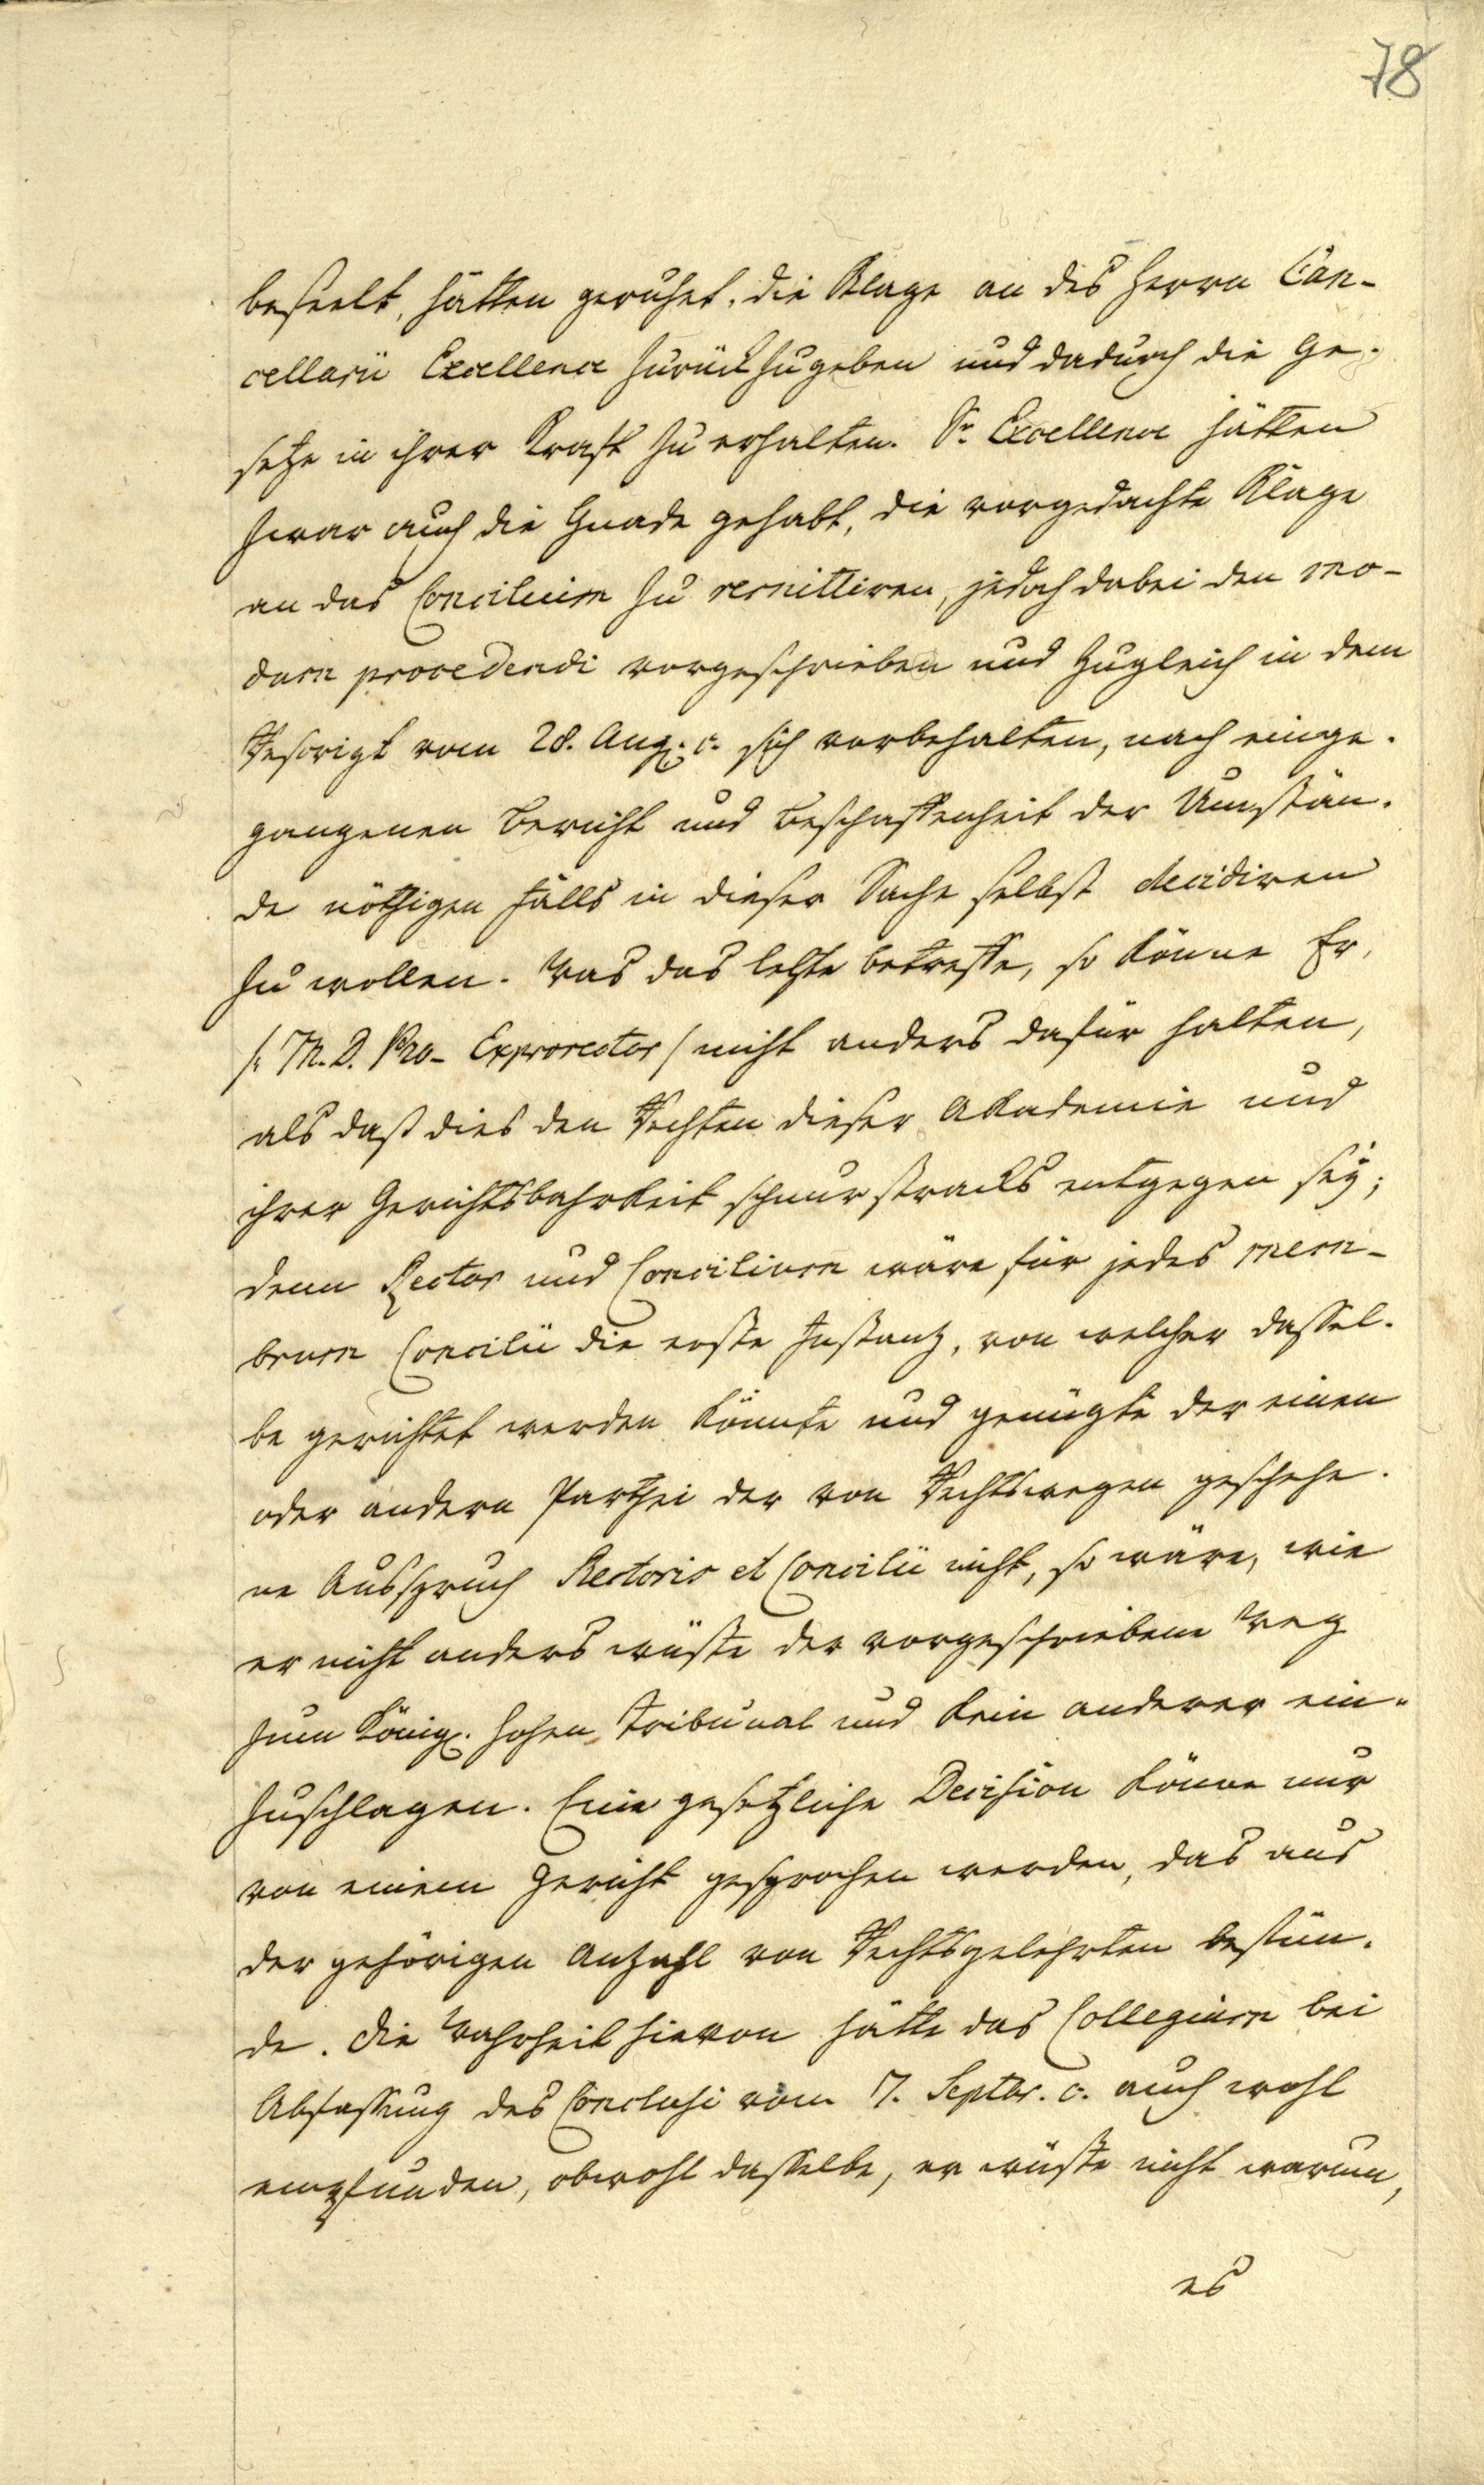beseelt, hätten geruhet, die Klage an des Herrn Can¬
cellarii Excellence zurückzugeben und dadurch die Ge¬
setze in ihrer Kraft zu erhalten. Sr Excellence hätten
zwar auch die Gnade gehabt, die vorgedachte Klage
an das Concilium zu remittiren, jedoch dabei den mo¬
dum procedendi vorgeschrieben und zugleich in dem
Rescript vom 28. Aug. c. sich vorbehalten, nach einge-
gangenen Bericht und Beschaffenheit der Umstän¬
de nöthigen Falls in dieser Sache selbst decidiren
zu wollen. Was das letzte betreffe, so könne Er,
/. M. D. Pro. Exprorector / nicht anders dafür halten,
als daß dies den Rechten dieser Akademie und
ihrer Gerichtsbahrkeit schnur stracks entgegen seÿ,
denn Rector und Concilium wäre für jedes mem¬
brum Concilii die erste Instanz, von welcher dassel¬
be gerichtet werden könnte und genügte der einen
oder andern Parthei der von Rechtswegen geschehe¬
ne Ausspruch Rectoris et Concilii nicht, so wäre, wie
er nicht anders wüßte der vorgeschriebene Weg
zum Königl. hohen Tribunal und kein anderer ein¬
zuschlagen. Eine gesetzliche Decision könne nur
von einem Gericht gesprochen werden, das aus
der gehörigen Anzahl von Rechtsgelehrten bestün¬
de. Die Wahrheit hievon hätte das Collegium bei
Abfassung des Conclusi vom 17. Septbr. c. auch wohl
empfunden, obwohl dasselbe, er wüßte nicht warum,
es